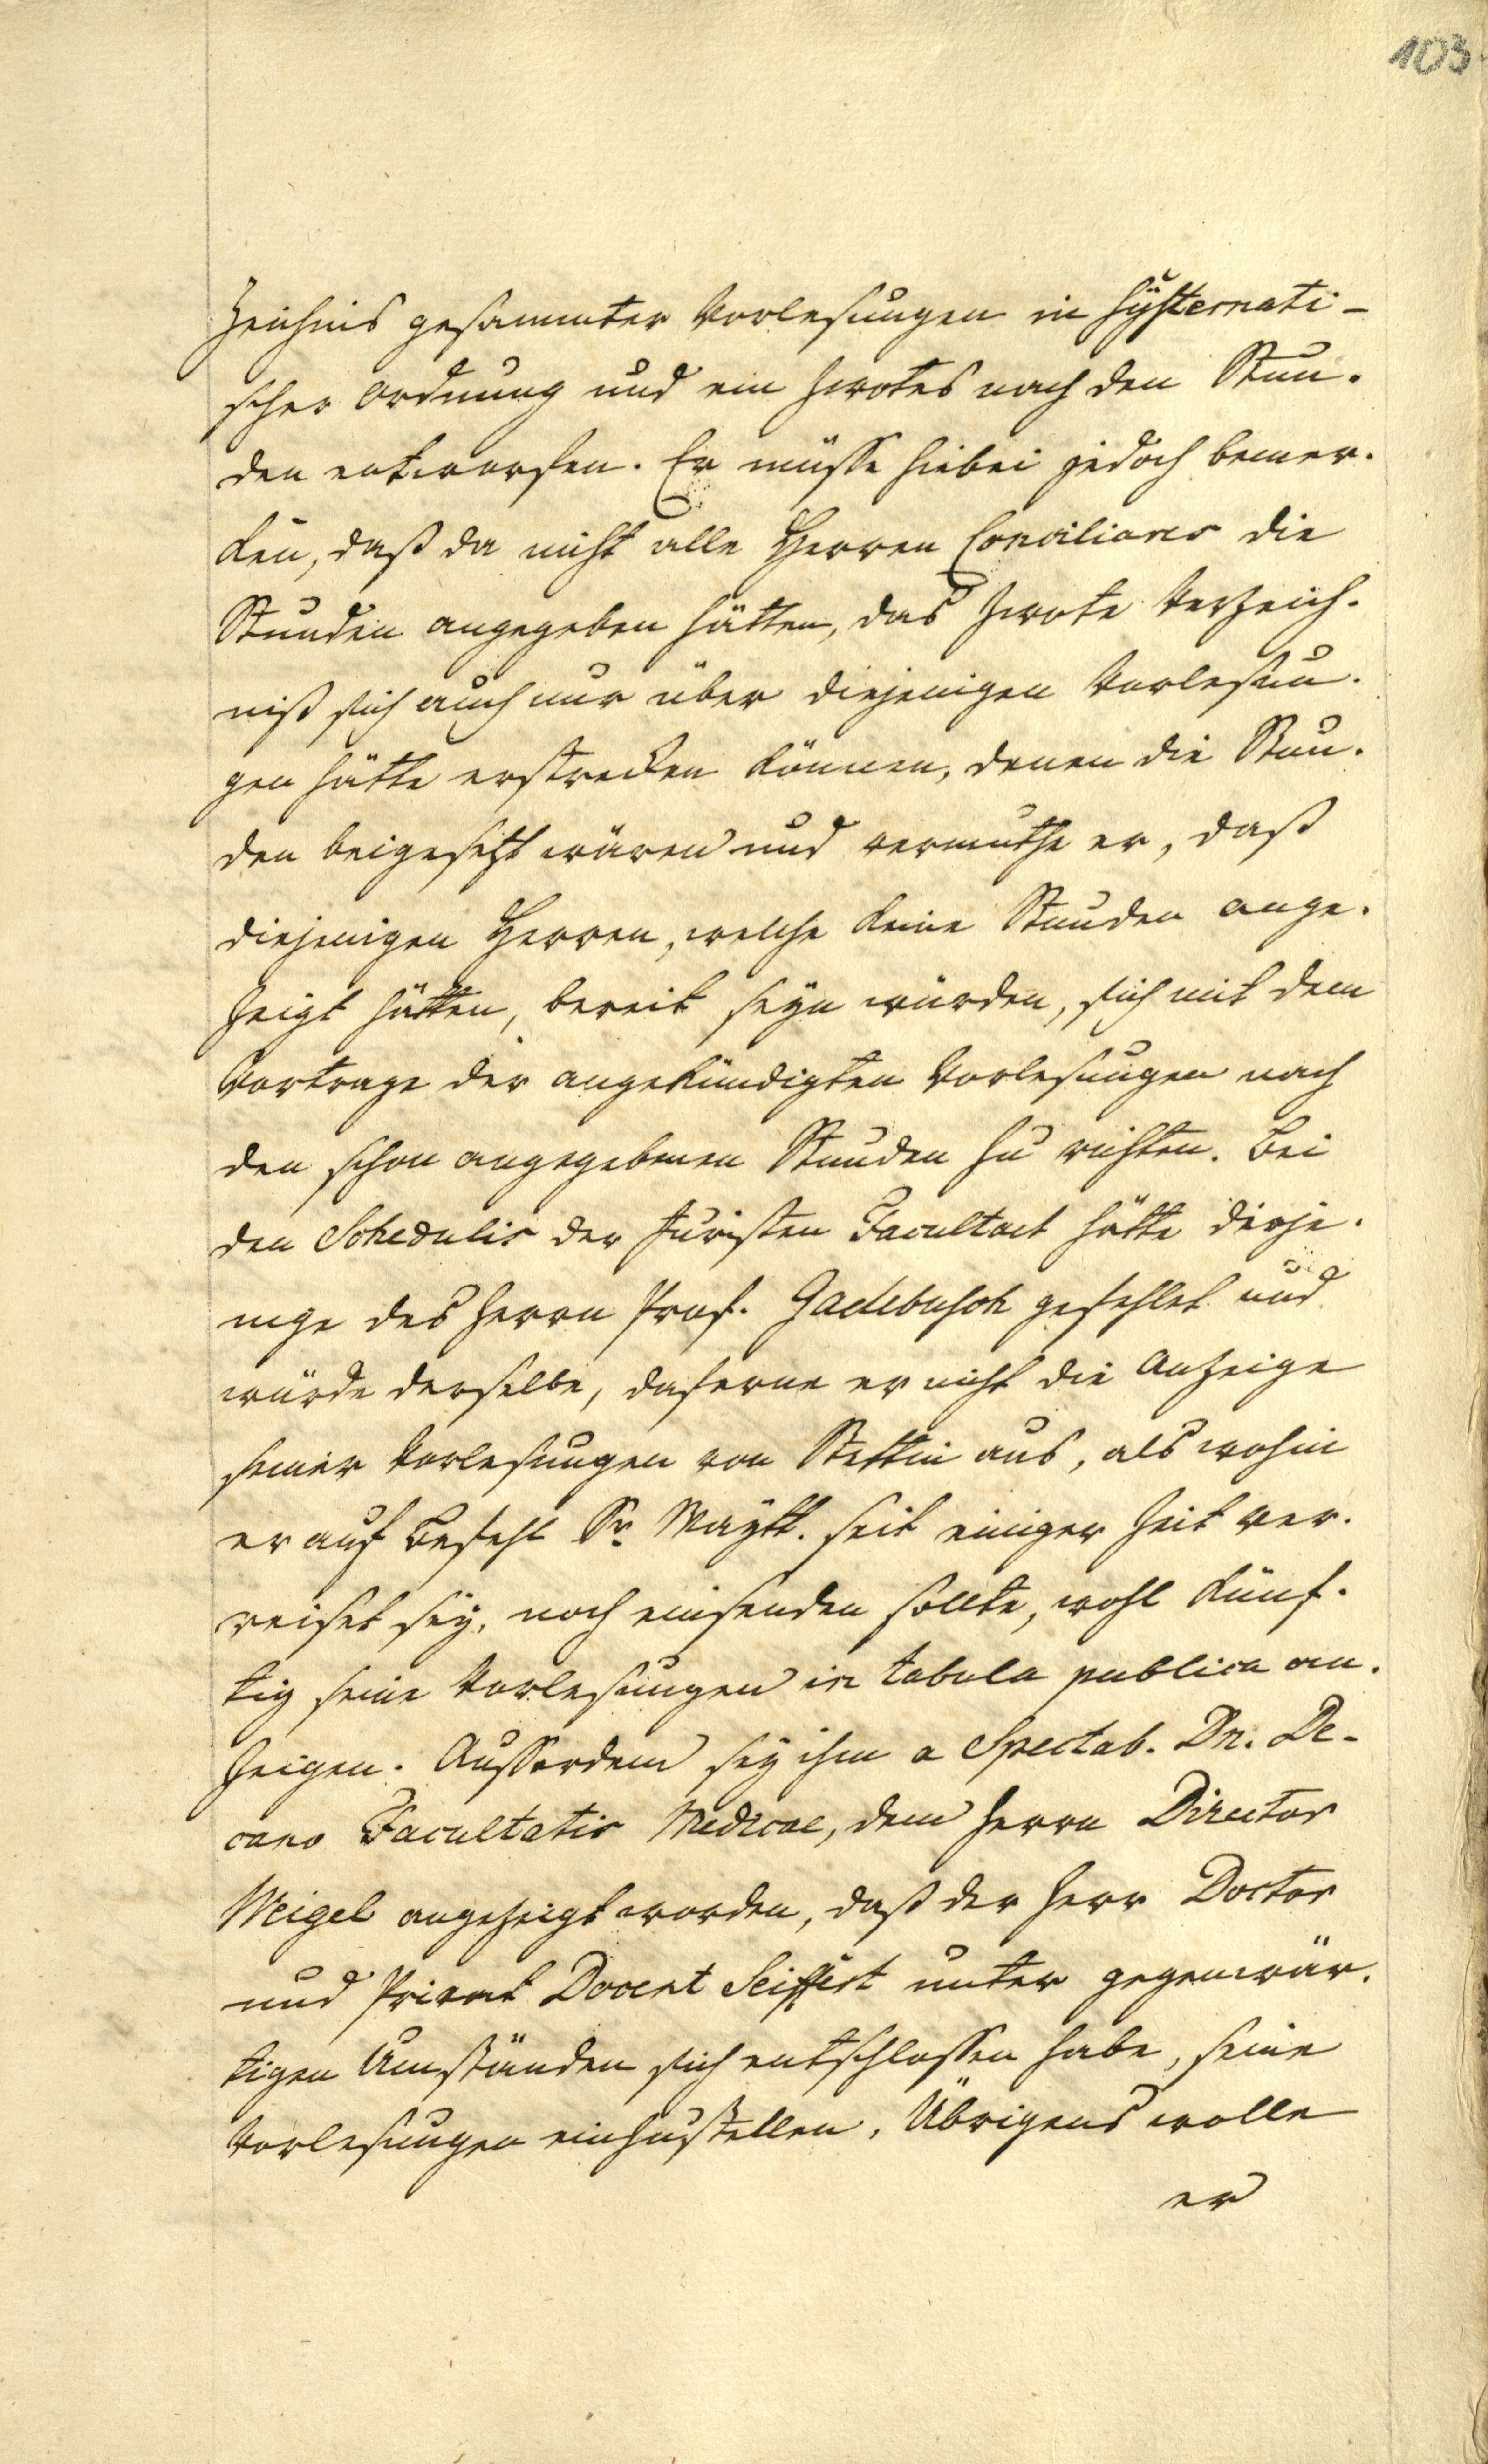Zeichnis gesammter Vorlesungen in sÿstemati¬
scher Ordnung und ein zwotes nach den Stun¬
den entworfen. Er müsse hiebei jedoch bemer¬
ken, daß da nicht alle Herren Conciliares die
Stunden angegeben hätten, das zwote Verzeich¬
niß sich auch nur über diejenigen Vorlesun¬
gen hätte erstrecken können, denen die Stun¬
den beigesetzt wären und vermuthe er, daß
diejenigen Herren, welche keine Stunden ange¬
zeigt hätten, bereit seÿn würden, sich mit dem
Vortrage der angekündigten Vorlesungen nach
den schon angegebenen Stunden zu richten. Bei
den Schedulis der Juristen Facultaet hätte derje¬
nige des Herrn Prof. Gadebusch gefehlet und
würde derselbe, daferne er nicht die Anzeige
seiner Vorlesungen von Stettin aus, als wohin
er auf Befehl Sr. Maÿtt. seit einiger Zeit ver¬
reiset seÿ, noch einsenden sollte, wohl künf¬
tig seine Vorlesungen in tabula publica an¬
zeigen. Ausserdem sey ihm a Spectab. Dn. De¬
cano Facultatis Medicae, dem Herrn Director
Weigel angezeigt worden, daß der Herr Doctor
und Privat Docent Seiffert unter gegenwär¬
tigen Umständen sich entschlossen habe, seine
Vorlesungen einzustellen. Übrigens wolle
er